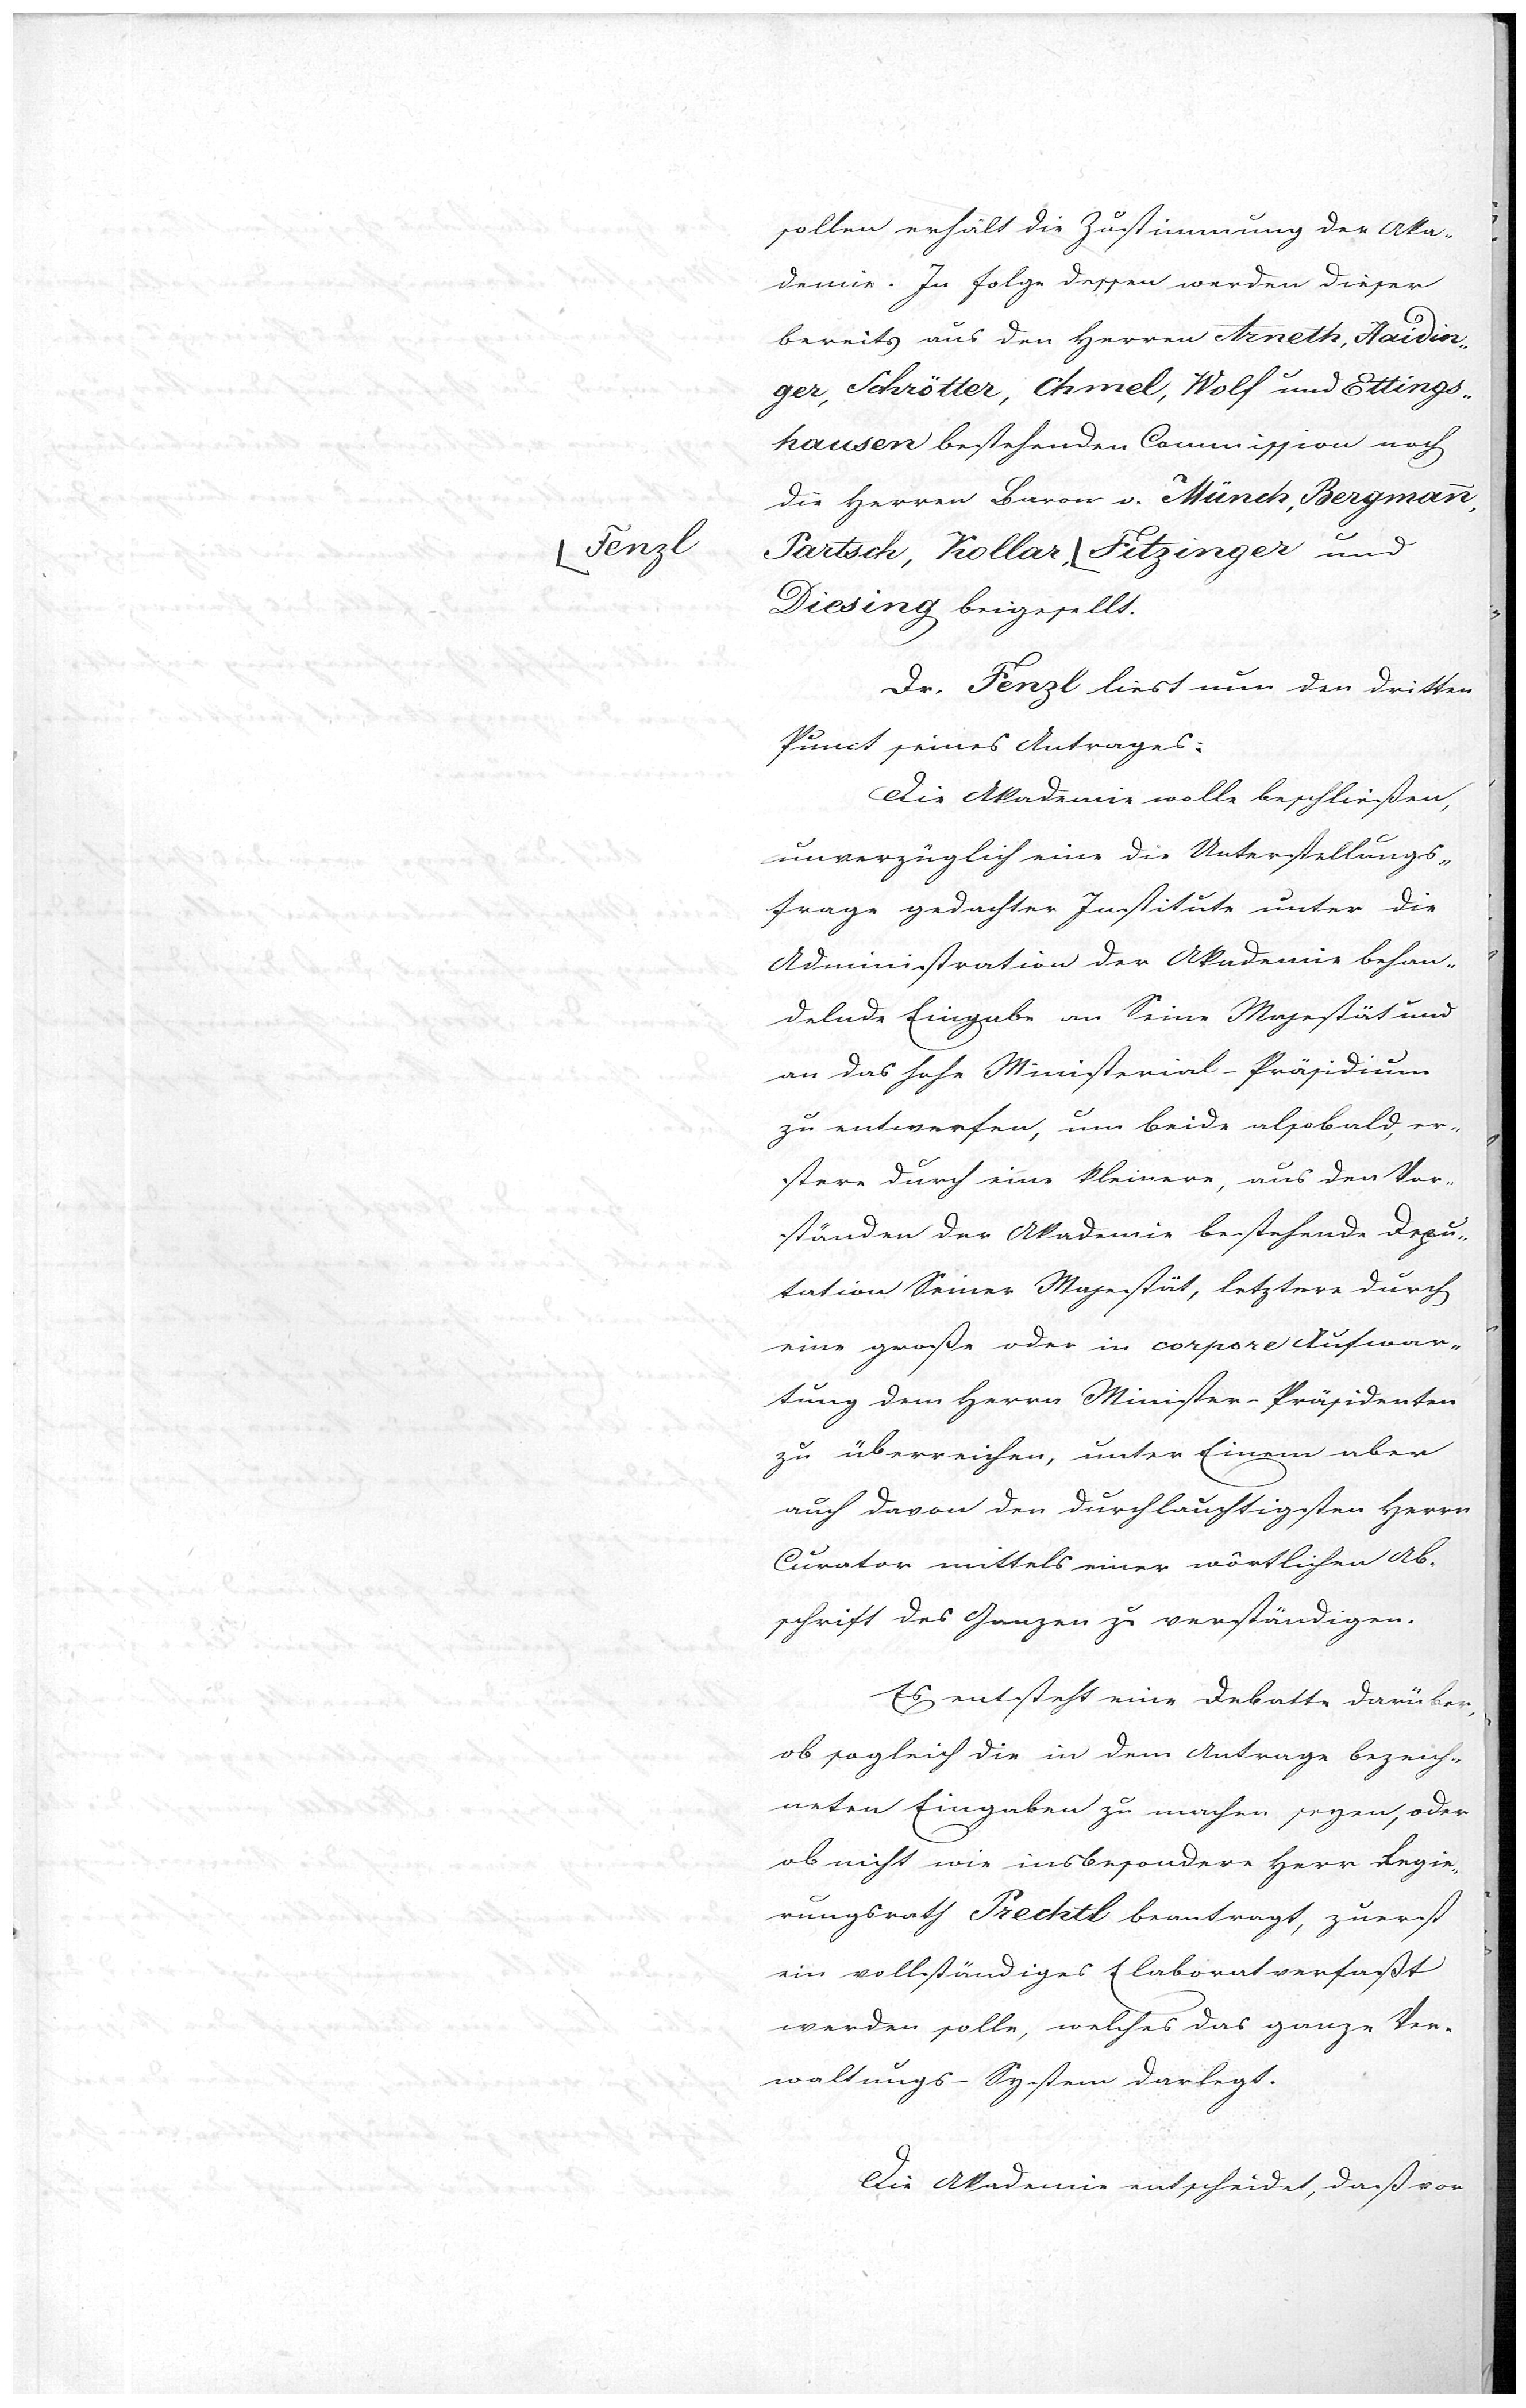sollen erhält die Zustimmung der Aka-
demie. In Folge dessen werden dieser
bereits aus den Herren Arneth, Haidin-
ger, Schrötter, Chmel, Wolf und Ettings-
hausen bestehenden Commission noch
die Herren Baron v. Münch, Bergmann,
Partsch, Kollar, Fitzinger und
Diesing beigesellt.
Fenzl
Dr. Fenzl liest nun den dritten
Punct seines Antrages:
Die Akademie wolle beschließen,
unverzüglich eine die Unterstellungs-
frage gedachter Institute unter die
Admistration der Akademie behan-
delnde Eingabe an Seine Majestät und
an das hohe Ministerial-Präsidium
zu entwerfen, um beide alsobald, er-
stere durch eine kleinere, aus den Vor-
ständen der Akademie bestehenden Depu-
tation Seiner Majestät, letztere durch
eine große oder in corpore Aufwar-
tung dem Herrn Minister-Präsidenten
zu überreichen, unter Einem aber
auch davon den durchlauchtigsten Herrn
Curator mittels einer wörtlichen Ab-
schrift des Ganzen zu verständigen.
Es entsteht eine Debatte darüber,
ob sogleich die in dem Antrage bezeich-
neten Eingaben zu machen seyen, oder
ob nicht wie insbesondere Herr Regie-
rungsrath Prechtl beantragt, zuerst
ein vollständiges Elaborat verfaßt
werden solle, welches das ganze Ver-
waltungs-System darlegt.
Die Akademie entscheidet, daß vor